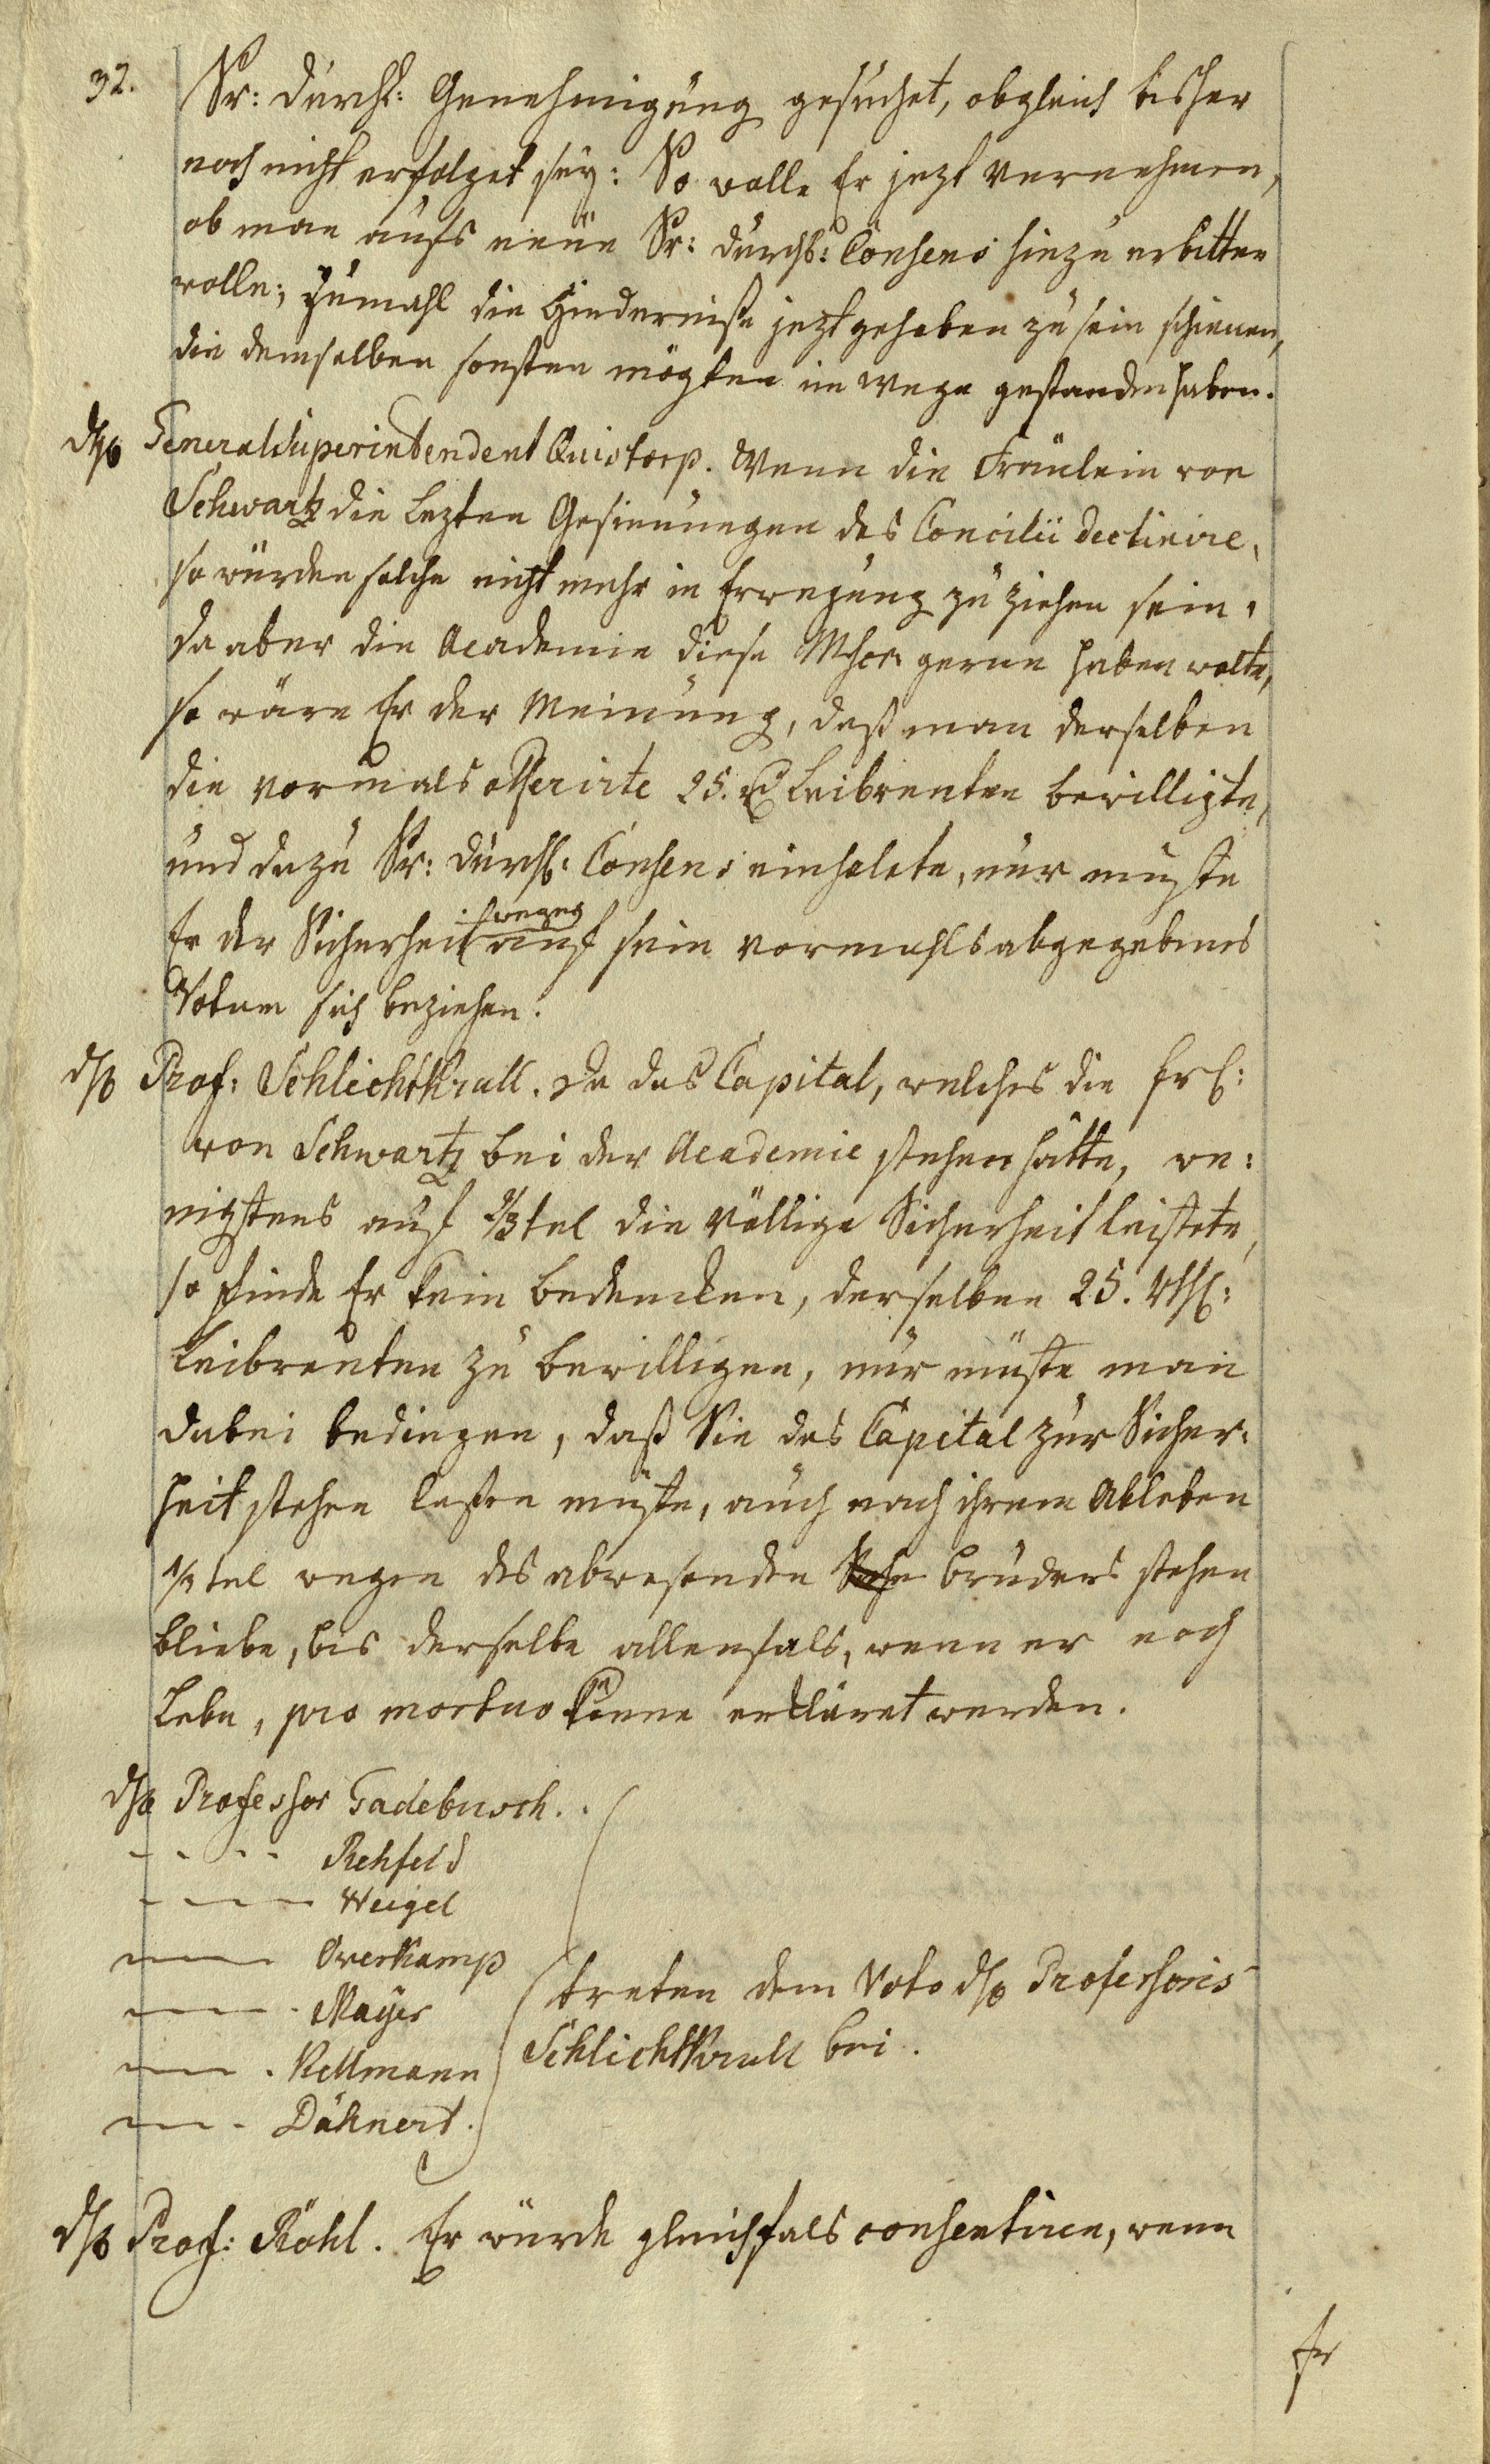Sr Durchl. Genehmigung gesuchet, obgleich bisher
noch nicht erfolget seÿ: So wolle Er jezt vernehmen,
ob man aufs neue Sr Durchl. Consens hiezu erbitten
wolle; zumahl die Hinderniße jezt gehoben zu sein schienen,
die demselben sonsten mögten im Wege gestanden haben.
dh GeneralSuperintendent Quistorp. Wenn die Fräulein von
Schwartz die lezten Gesinnungen des Concilii declinire,
so würden solche nicht mehr in Erwegung zu ziehen sein,
da aber die Academie Mscr. gerne haben wolte,
so wäre Er der Meinung, daß man derselben
die vormals offerirte 25 rd. Leibrente bewilligte,
und dazu Sr. Durchl. Consens einholete, nur müste
Er der Sicherheit wegen auf sein vormahls abgegebenes
Votum sich beziehen.
dh Prof. Schlichtkrull. Da das Capital, welches die Frl.
von Schwartz bei der Academie stehen hätte, we¬
nigstens auf 2/3tel die völlige Sicherheit leistete,
so finde Er kein Bedencken, derselben 25 rtl.
Leibrente zu bewilligen, nur müste man
dabei bedingen, daß Sie das Capital zur Sicher¬
heit stehen laßen müste, auch nach ihrem Ableben
1/3 tel wegen des abwesenden Bruders stehen
bliebe, bis derselbe allenfals, wenn er noch
lebe, pro mortuo könne erkläret werden.
dh Professor Gadebusch
Rehfeld
Weigel
Overkamp treten dem Voto dh Professoris
Maÿer
Kellmann Schlichtkrull bei.
Dähnert.
dh Prof. Röhl. Er würde gleichfals consentiren, wenn